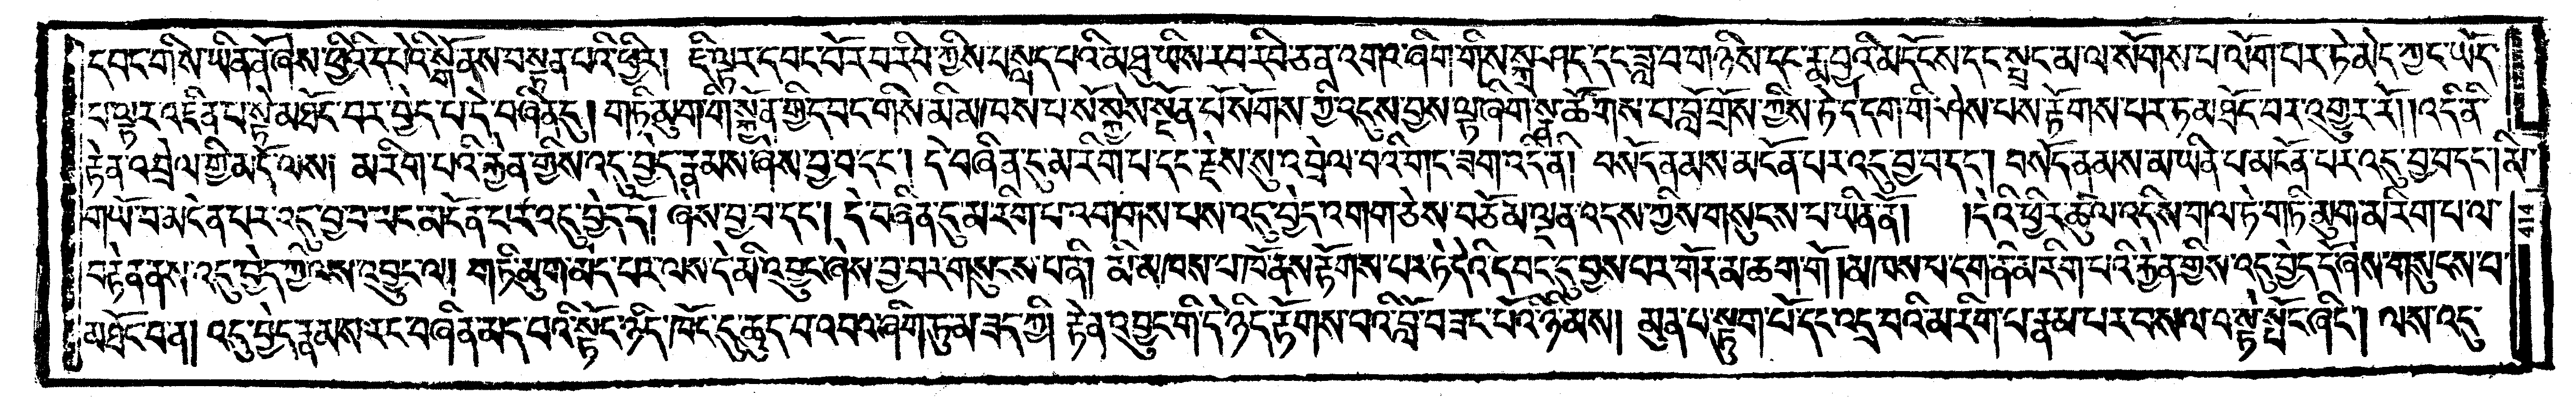དབང་གིས་ཡིན་ནོ་ཞེས་ཕྱིའི་དཔེའི་སྒོ་ནས་བསྟན་པའི་ཕྱིར། ཇི་ལྟར་དབང་པོ་རབ་རིབ་ཀྱིས་བསླད་པའི་མཐུ་ཡིས་རབ་རིབ་ཅན་འགའ་ཞིག་གིས་སྐྲ་ཤད་དང་ཟླ་བ་གཉིས་དང་རྨ་བྱའི་མདོངས་དང་སྦྲང་མ་ལ་སོགས་པ་ལོག་པར་ཏེ་མེད་ཀྱང་ཡོད་
པ་ལྟར་འཛིན་པ་སྟེ་མཐོང་བར་བྱེད་པ་དེ་བཞིན་དུ། གཏི་མུག་གི་སྐྱོན་གྱི་དབང་གིས་མི་མཁས་པ་སོ་སྐྱེས་སྔོན་པོ་སོགས་ཀྱི་འདུས་བྱས་ལྟ་ཞིག་སྣ་ཚོགས་པ་བློ་གྲོས་ཀྱིས་ཏེ་དེ་དག་གི་ཤེས་པས་རྟོགས་པར་ཏེ་མཐོང་བར་འགྱུར་རོ། །འདི་ནི་
རྟེན་འབྲེལ་གྱི་མདོ་ལས། མ་རིག་པའི་རྐྱེན་གྱིས་འདུ་བྱེད་རྣམས་ཞེས་བྱ་བ་དང་། དེ་བཞིན་དུ་མ་རིག་པ་དང་རྗེས་སུ་འབྲེལ་བའི་གང་ཟག་འདི་ནི། བསོད་ནམས་མངོན་པར་འདུ་བྱ་བ་དང་། བསོད་ནམས་མ་ཡིན་པ་མངོན་པར་འདུ་བྱ་བ་དང་། མི་
གཡོ་བ་མངོན་པར་འདུ་བྱ་བ་ཡང་མངོན་པར་འདུ་བྱེད་དོ། ཞེས་བྱ་བ་དང་། དེ་བཞིན་དུ་མ་རིག་པ་འགགས་པས་འདུ་བྱེད་འགག་ཅེས་བཅོམ་ལྡན་འདས་ཀྱིས་གསུངས་པ་ཡིན་ནོ། །དེའི་ཕྱིར་ཚུལ་འདིས་གལ་ཏེ་གཏི་མུག་མ་རིག་པ་ལ་
བརྟེན་ནས་འདུ་བྱེད་ཀྱི་ལས་འབྱུང་ལ། གཏི་མུག་མེད་པར་ལས་དེ་མི་འབྱུང་ཞེས་བྱ་བར་གསུངས་པ་ནི། མི་མཁས་པ་ཁོ་ནས་རྟོགས་པར་ཏེ་དེའི་དབང་དུ་བྱས་བར་གོར་མ་ཆག་གོ །མཁས་པ་དག་ནི་མ་རིག་པའི་རྐྱེན་གྱིས་འདུ་བྱེད་དོ་ཞེས་གསུངས་པ་
མཐོང་བ་ན། འདུ་བྱེད་རྣམས་རང་བཞིན་མེད་པའི་སྟོང་ཉིད་ཁོང་དུ་ཆུད་པ་འབའ་ཞིག་ཏུ་མ་ཟད་ཀྱི། རྟེན་འབྱུང་གི་དེ་ཉིད་རྟོགས་པའི་བློ་བཟང་པོའི་ཉི་མས། མུན་པ་སྟུག་པོ་དང་འདྲ་བའི་མ་རིག་པ་རྣམ་པར་བསལ་བ་སྟེ་སྤོང་ཞིང་། ལས་འདུ་